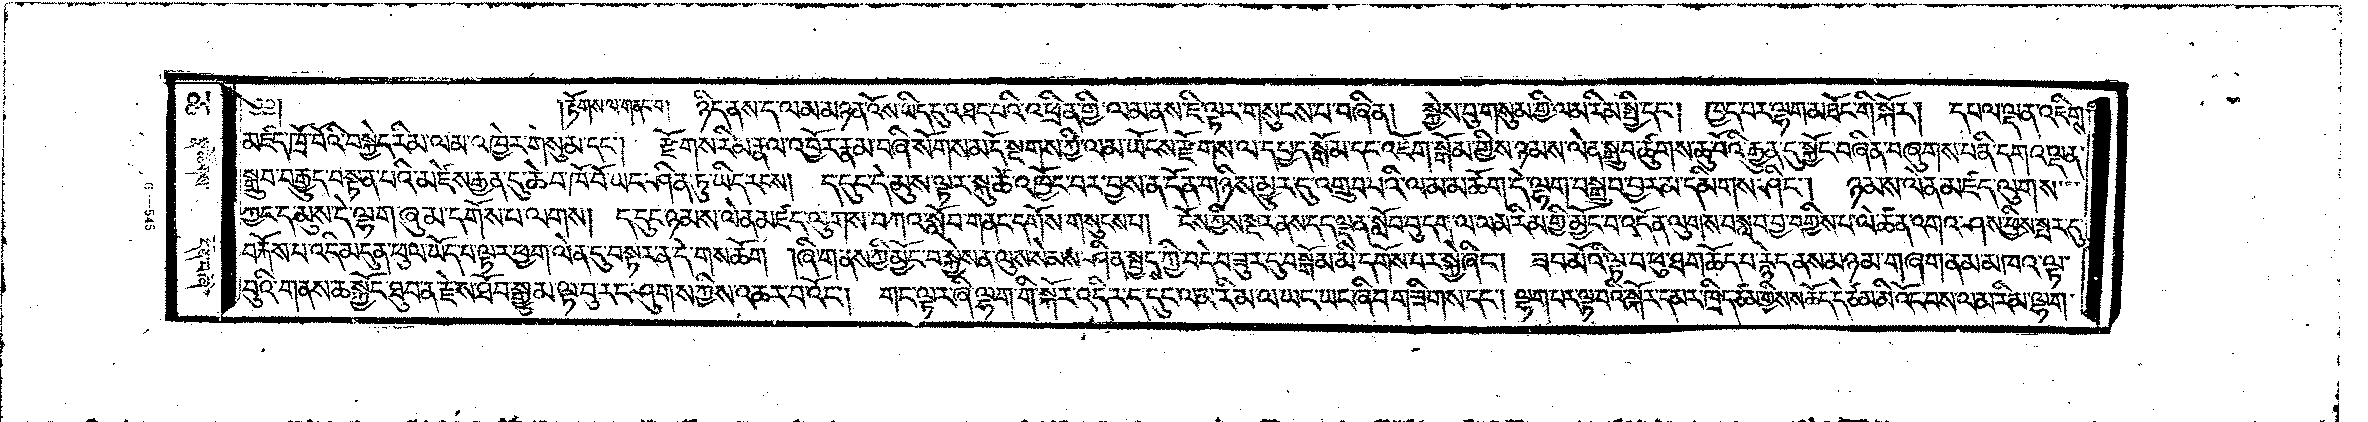༄༅། །རྟོགས་ལ་གནང་བ། ཉིད་ནས་ད་ལམ་མཉན་འོས་ཡིད་དུ་འཐད་པའི་འཕྲིན་གྱི་ལམ་ནས་ཇི་ལྟར་གསུངས་པ་བཞིན། སྐྱེས་བུ་གསུམ་གྱི་ལམ་རིམ་སྤྱི་དང་། ཁྱད་པར་ལྷག་མཐོང་གི་སྐོར། དཔལ་ལྡན་འཇིགས་
མཛད་ཁྲོ་བོའི་བསྐྱེད་རིམ་ལམ་འཁྱེར་གསུམ་དང་། རྫོགས་རིམ་རྣལ་འབྱོར་རྣམ་བཞི་སོགས་མདོ་སྔགས་ཀྱི་ལམ་ཡོངས་རྫོགས་ལ་དཔྱད་སྒོམ་དང་འཇོག་སྒོམ་གྱིས་ཉམས་ལེན་སྒྲུབ་ཚུགས་ཆུ་བོའི་རྒྱུན་དུ་སྐྱོང་བཞིན་བཞུགས་པ་ནི་དགའ་ལྡན་
སྒྲུབ་བརྒྱུད་བསྟན་པའི་མཛེས་རྒྱན་དུ་ཆེ་བ་ཁོ་བོ་ཡང་ཤིན་ཏུ་ཡིད་རངས། ད་དུང་དེ་མུས་ལྟར་སྐུ་ཚེ་འཁྱོང་བར་བྱས་ན་དོན་གཉིས་མྱུར་དུ་འགྲུབ་པའི་ལམ་མཆོག་དེ་ལྷག་བསྒྲུབ་བྱར་མ་དམིགས་ཤིང་། ཉམས་ལེན་མཛད་ལུགས་
ཀྱང་ད་མུས་དེ་ལྷག་ཞུམ་དགོས་པ་ལགས། ད་དུང་ཉམས་ལེན་མཛད་ལུགས་བཀའ་སློབ་གནང་དགོས་གསུངས་པ། ངོས་ཀྱིས་སྔར་ནས་དད་ལྡན་སློབ་བུ་དག་ལ་ལམ་རིམ་གྱི་མྱོང་བ་འདོན་ལུགས་བསླབ་བྱ་བགྱིས་པ་ལེ་ཚན་འགའ་ཤེས་ཕྱིས་སྤར་དུ་
བརྐོས་པ་འདི་མདུན་ཕུལ་ཡོད་པ་ལྟར་ཕྱག་ལེན་དུ་བསྟར་ན་དེ་གས་ཆོག །ཞི་གནས་ཀྱི་མྱོང་བ་སྐྱེས་ན་ལུས་སེམས་ཤིན་སྦྱངས་ཀྱི་བདེ་བ་ཟུར་དུ་བསྒོམ་མི་དགོས་པར་སྐྱེ་ཞིང་། ཟབ་མོའི་ལྟ་བ་ཕུ་ཐག་ཆོད་པ་རྙེད་ནས་མཉམ་གཞག་ནམ་མཁའ་ལྟ་
བུའི་གནས་ཆ་སྐྱོང་ཐུབ་ན་རྗེས་ཐོབ་སྒྱུ་མ་ལྟ་བུ་རང་ཤུགས་ཀྱིས་འཆར་པ་འོང་། གང་ལྟར་ཞི་ལྷག་གི་སྐོར་འདིར་ད་དུང་ལམ་རིམ་ལ་ཡང་ཡང་ཞིབ་གཟིགས་དང་། ལྷག་པར་ལྟ་བའི་སྐོར་དམར་ཁྲིད་ཙམ་གྱིས་ས་ཆོད་དེ་ཙམ་མི་འོང་བས་ལམ་རིམ་ལྷག་
ཕ༹་